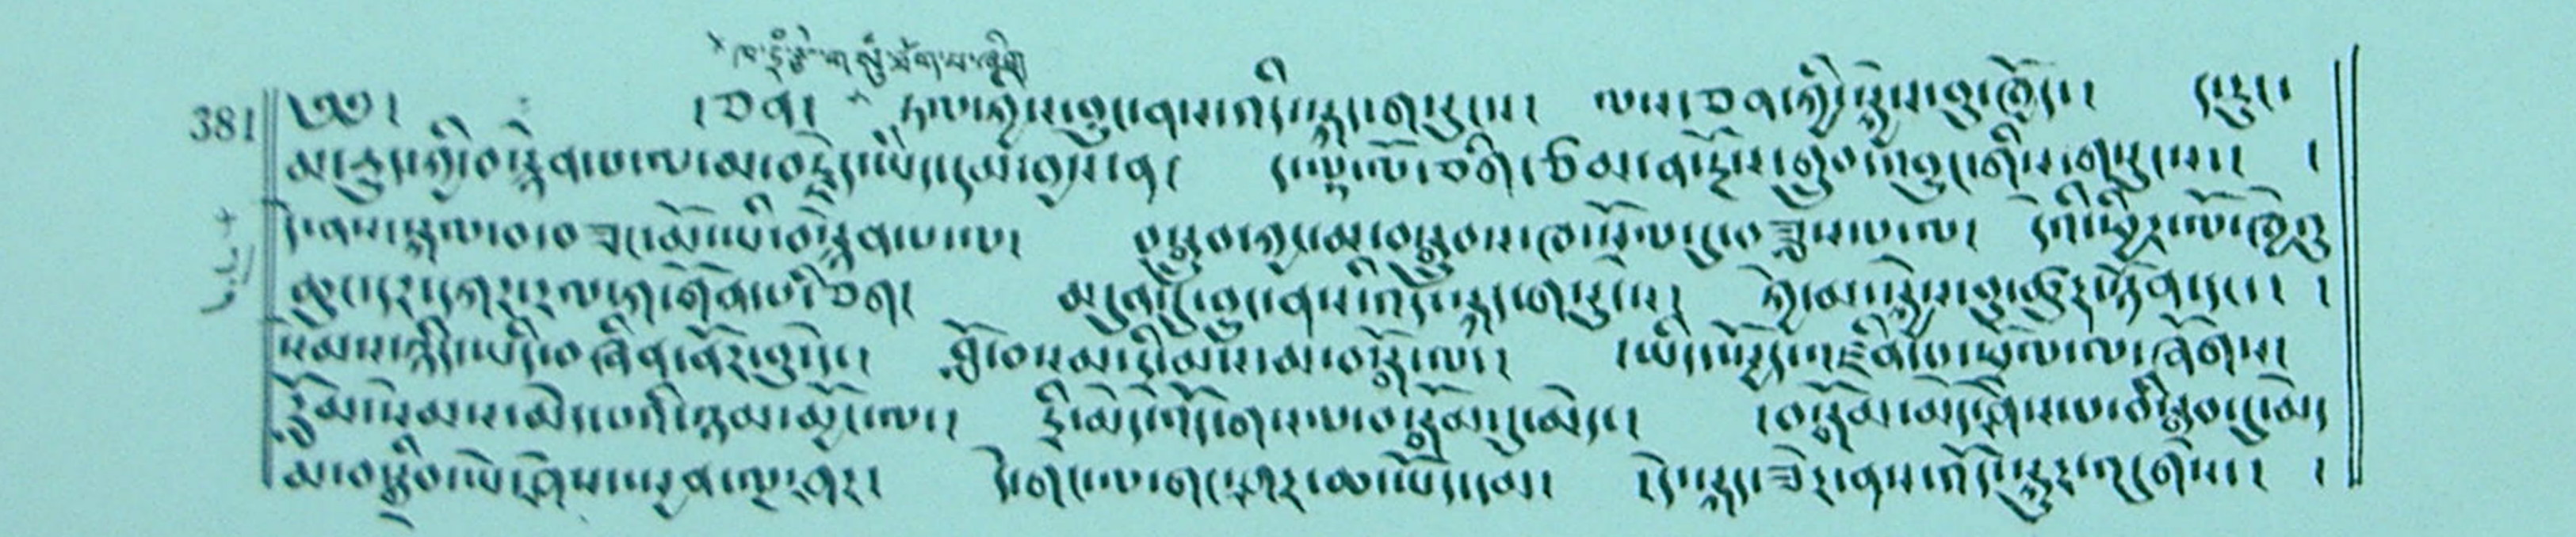༄༅། །ཅན། ཁ་ཊཾ་རྩེ་གསུམ་ཐོག་པ་ཞིག དལ་གྱིས་བྱུང་ནས་འདི་སྐད་གསུངས། ལས་ཅན་གྱི་སྐྱེས་བུ་ཁྱོད། ད་རུང་
མ་རྒྱུད་ཀྱི་བསྙེན་པ་ལ་མ་བརྗེད་ཡི་དམ་བྱས་ན། ད་ལྟ་ལོ་ཅིག་ཙམ་ན་རྔོས་གྲུབ་འབྱུང་གིས་གསུངས། 
དེ་ནས་བསྐལ་པ་བཟང་མོ་ཡི་བསྙེན་པ་ལ། བསྒྲུབས་ཀྱང་མ་བསྒྲུབ་ཁ་སྲོལ་དུ་བཟླས་པ་ལ། དེའི་ཕྱིར་ལོ་ཁྱེའུ་
ཆུང་དར་དཀར་གྱི་རལ་ག་གོན་པ་ཅིག མདུན་དུ་བྱུང་ནས་འདི་སྐད་གསུངས། ཀྱེ་མ་སྐྱེས་བུ་ཚུར་ཉོན་དང་། 
སེམས་ཉིད་ཡིད་བཞིན་ནོར་བུ་དེ། བློ་བསམ་དྲི་མས་མ་བསྒོ་ལ། ཡིད་སྤྱོད་འཛིན་པ་ཕྲོལ་ལ་ཞོགས། 
རློམ་སེམས་མེད་པའི་ཉམས་མྱོང་ལ། དྲི་མེད་འོད་གསལ་བསྒོམ་དུ་མེད། བསྒོམ་མེད་ཤེས་པ་སྒྲིབ་ཏུ་མེད། 
མ་བསྒྲིབ་ཡེ་ཤེས་སྤྱན་ལྔ་ཤར། དེ་གང་ལ་གང་ཤར་ཆ་ཡོད་དམ། དེ་སྐད་གསུངས་ནས་འོད་སྐུར་འདུགས།